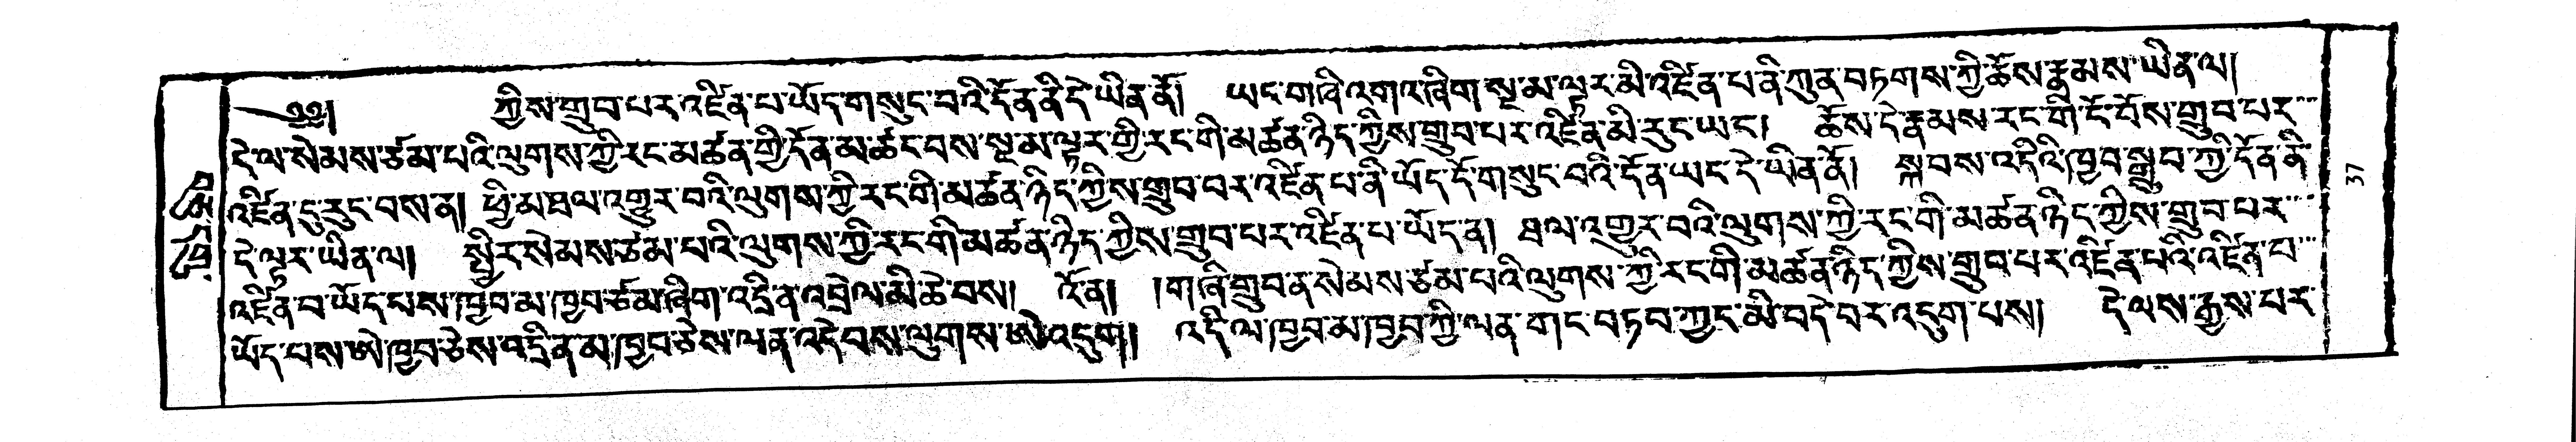༄༅། །ཀྱིས་གྲུབ་པར་འཛིན་པ་ཡོད་གསུང་བའི་དོན་ནི་དེ་ཡིན་ནོ། ཡང་གཞི་འགའ་ཞིག་སྔ་མ་ལྟར་མི་འཛིན་པ་ནི་ཀུན་བཏགས་ཀྱི་ཆོས་རྣམས་ཡིན་ལ།
དེ་ལ་སེམས་ཙམ་པའི་ལུགས་ཀྱི་རང་མཚན་གྱི་དོན་མ་ཚང་བས་སྔ་མ་ལྟར་གྱི་རང་གི་མཚན་ཉིད་ཀྱིས་གྲུབ་པར་འཛིན་མི་རུང་ཡང་། ཆོས་དེ་རྣམས་རང་གི་ངོ་བོས་གྲུབ་པར་
འཛིན་དུ་རུང་བས་ན། ཕྱི་མ་ཐལ་འགྱུར་བའི་ལུགས་ཀྱི་རང་གི་མཚན་ཉིད་ཀྱིས་གྲུབ་པར་འཛིན་པ་ནི་ཡོད་དོ་གསུང་བའི་དོན་ཡང་དེ་ཡིན་ནོ། སྐབས་འདིའི་ཁྱབ་སྒྲུབ་ཀྱི་དོན་ནི་
དེ་ལྟར་ཡིན་ལ། སྤྱིར་སེམས་ཙམ་པའི་ལུགས་ཀྱི་རང་གི་མཚན་ཉིད་ཀྱིས་གྲུབ་པར་འཛིན་པ་ཡོད་ན། ཐལ་འགྱུར་བའི་ལུགས་ཀྱི་རང་གི་མཚན་ཉིད་ཀྱིས་གྲུབ་པར་
འཛིན་པ་ཡོད་པས་ཁྱབ་མ་ཁྱབ་ཙམ་ཞིག་འདྲི་ན་འབྲེལ་མི་ཆེ་བས། འོ་ན། །གཞི་གྲུབ་ན་སེམས་ཙམ་པའི་ལུགས་ཀྱི་རང་གི་མཚན་ཉིད་ཀྱིས་གྲུབ་པར་འཛིན་པའི་འཛིན་པ་
ཡོད་པས་ཨེ་ཁྱབ་ཅེས་འདྲི་ན་མ་ཁྱབ་ཅེས་ལན་འདེབས་ལུགས་ཨེ་འདུག །འདི་ལ་ཁྱབ་མ་ཁྱབ་ཀྱི་ལན་གང་བཏབ་ཀྱང་མི་བདེ་བར་འདུག་པས། དེ་ལས་རྒྱས་པར་